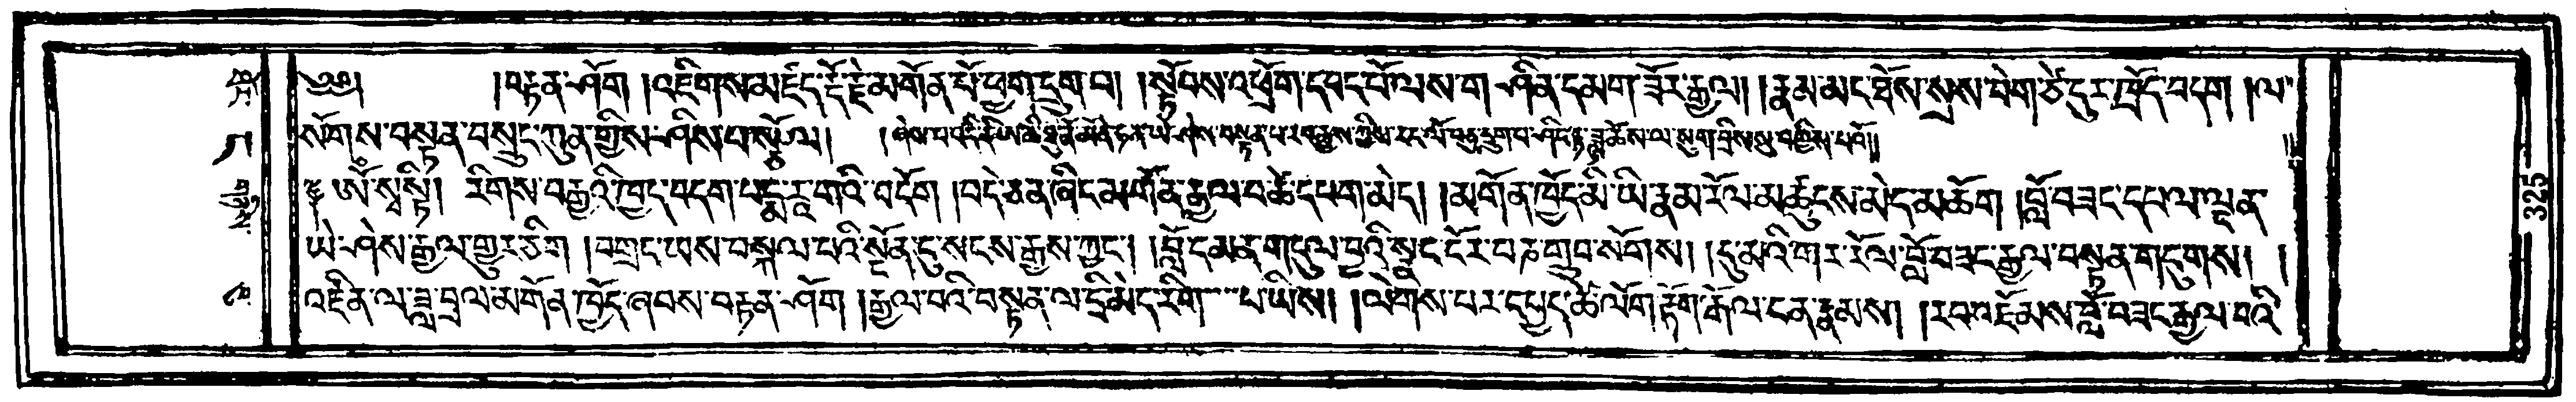༄༅། །བརྟན་ཤོག །འཇིགས་མཛད་རྡོ་རྗེ་མགོན་པོ་ཕྱག་དྲུག་པ། །སྟོབས་འཕྲོག་དབང་པོ་ལས་གཤིན་དམག་ཟོར་རྒྱལ། །རྣམ་མང་ཐོས་སྲས་བེག་ཙེ་དུར་ཁྲོད་བདག །ལ་
སོགས་བསྟན་བསྲུང་ཀུན་གྱིས་ཤིས་པ་སྩོལ། །ཞེས་པ་འདི་ནི་ཨ་ཆི་ཐུ་ནོ་མོན་ཧན་ཡེ་ཤེས་བསྟན་པ་རབ་རྒྱས་ཀྱིས་རང་ལོ་བཅུ་དྲུག་པ་ཤིང་རྟ་ཟླ ༡་ཚེས་ལ་སུག་བྲིས་སུ་བགྱིས་པའོ།། །།
༈ ཨོཾ་སྭ་སྟི། རིགས་བརྒྱའི་ཁྱད་བདག་པདམ་རཱ་གའི་བདོག །བདེ་ཅན་ཞིང་མགོན་རྒྱལ་བ་ཚེ་དཔག་མེད། །མགོན་ཁྱོད་མི་ཡི་རྣམ་རོལ་མཚུངས་མེད་མཆོག །བློ་བཟང་དཔལ་ལྡན་
ཡེ་ཤེས་རྒྱལ་གྱུར་ཅིག །བགྲང་ཡས་བསྐལ་པའི་སྔོན་དུ་སངས་རྒྱས་ཀྱང་། །བློ་དམན་གདུལ་བྱའི་སྣང་ངོར་པཎ་གྲུབ་སོགས། །དུ་མའི་གར་རོལ་བློ་བཟང་རྒྱལ་བསྟན་གདུགས། །འཛིན་ལ་ཟླ་བྲལ་མགོན་ཁྱོད་ཞབས་བརྟན་ཤོག །རྒྱལ་བའི་བསྟན་ལ་དྲི་མེད་རིག་པ་ཡིས། །ལེགས་པར་དཔྱད་ཚེ་ལོག་རྟོག་རྒོལ་ངན་རྣམས། །རབ་འཇོམས་བློ་བཟང་རྒྱལ་བའི་